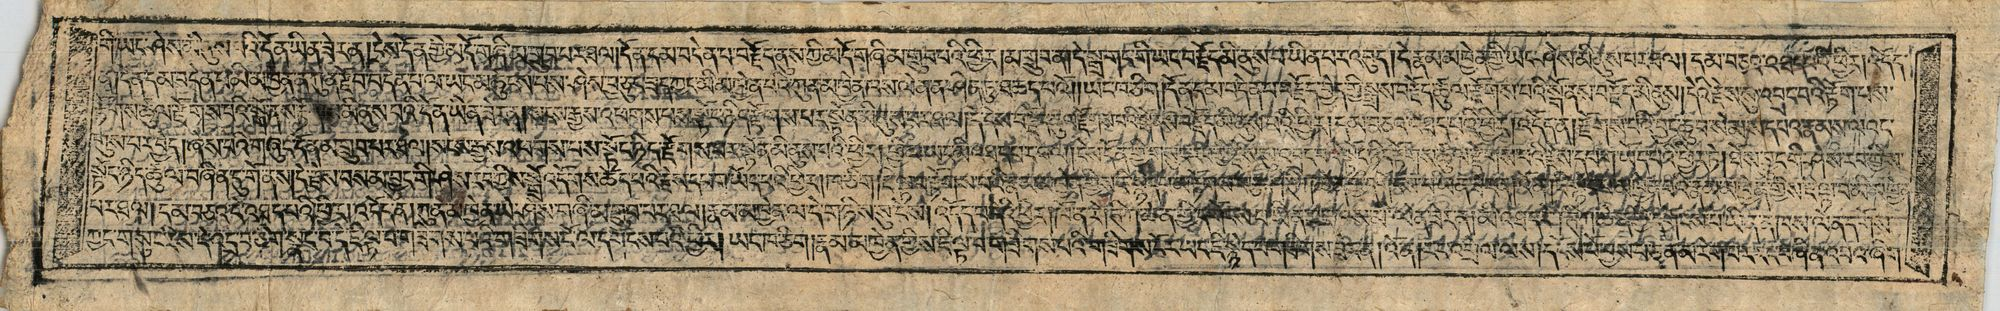གི་ཡང་ཤེས་མི་ནུས་པའི་དོན་ཡིན་ཟེར་ན། ངེས་དོན་གྱི་མདོ་གཞི་མ་གྲུབ་པར་ཐལ། དོན་དམ་བདེན་པ་བརྗོད་ནུས་ཀྱི་མདོ་གཞི་མ་གྲུབ་པའི་ཕྱིར། མ་གྲུབ་ན། དེ་སྒྲ་གང་གི་ཡང་བརྗོད་མི་ནུས་པ་ཡིན་པར་འབུད། དེ་རྣམ་མཁྱེན་གྱི་ཡང་ཤེས་མི་ནུས་པར་ཐལ། དམ་བཅའ་འཐད་པའི་ཕྱིར། འདོད་
ན། དོན་དམ་བདེན་པ་མི་མཁྱེན་ན་ཀུན་རྫོབ་བདེན་པ་ལ་ཡང་མཚུངས་པས་ཤེས་བྱ་ཅུང་ཟད་ཀྱང་མི་མཁྱེན་པའི་ཀུན་མཁྱེན་ཁས་ལེན་ན་ཤིན་ཏུ་ཐ་ཆད་པའོ། །ཡང་ཁ་ཅིག །དོན་དམ་བདེན་པ་བརྗོད་བྱེད་ཀྱི་སྒྲས་བརྗོད་ཚུལ་རྫོགས་པའི་སྒོ་ནས་བརྗོད་མི་ནུས། དེའི་རྗེས་སུ་འབྲང་བའི་རྟོག་པས་
རྟོགས་ཚུལ་རྫོགས་པའི་སྒོ་ནས་རྟོགས་མི་ནུས་པའི་དོན་ཡིན་ཟེར་ན། སངས་རྒྱས་འཕགས་པས་སྟོང་ཉིད་རྫོགས་པར་སྟོན་མི་ནུས་པར་ཐལ། དེ་དེས་བརྗོད་ཚུལ་རྫོགས་པའི་སྒོ་ནས་བརྗོད་མི་ནུས་པའི་ཕྱིར། དམ་བཅའ་འཐད་པའི་ཕྱིར། འདོད་ན། རྫོགས་པའི་བྱང་ཆུབ་སེམས་དཔའ་རྣམས་ལའང་
གུས་པར་བྱེད། ཞེས་པའི་གཞུང་དོན་མ་གྲུབ་པར་ཐལ། སངས་རྒྱས་འཕགས་པས་སྟོང་ཉིད་རྫོགས་པར་སྟོན་མི་ནུས་པའི་ཕྱིར། ཕྱི་མ་ཡང་མི་འཐད་པར་ཐལ། ངེས་དོན་གྱི་གསུང་རབ་ཀྱི་རྗེས་སུ་འབྲང་བའི་སྟོང་ཉིད་རྟོགས་ཚུལ་རྫོགས་པའི་རྗེས་དཔག་ཡོད་པའི་ཕྱིར་ཏེ། ཐོས་བྱུང་གི་ཤེས་རབ་ཀྱིས་
སྟོང་ཉིད་ཚུལ་བཞིན་དུ་གོ་ནས། དེ་རྗེས་བསམ་བྱུང་གི་ཤེས་རབ་ཀྱིས་སྒྲོ་འདོགས་ཆོད་བའི་རྗེས་དཔག་ཡོད་པའི་ཕྱིར། ཁ་ཅིག །ཇི་ལྟ་བ་རྟོགས་པའི་རྣམ་མཁྱེན་གྱིས་ཇི་སྙེད་པ་མ་རྟོགས་པ་རྩ་ཤེ་ཊིཀ་ཆེན་གྱི་དགོངས་པ་ཡིན་ཟེར་ན། འོ་ན། ཇི་སྙེད་པ་མཁྱེན་པའི་རྣམ་མཁྱེན་གྱིས་ཇི་ལྟ་བ་མི་མཁྱེན་
པར་ཐལ། དམ་བཅའ་དེ་འཐད་པའི་ཕྱིར། འདོད་ན། ཀུན་མཁྱེན་ཡེ་ཤེས་གཞི་མ་གྲུབ་པར་ཐལ། རྣམ་མཁྱེན་ལ་དེ་གཉིས་སུ་ངེས། འདོད་པ་དེའི་ཕྱིར། ཁོ་ན་རེ། ཊིཀ་ཆེན་གྱི་དགོངས་པ་ཡིན་ཀྱང་ཁས་མི་ལེན་ཟེར་ན། མི་འཐད་དེ། ཊིཀཆེན་གྱི་དགོངས་པ་ཡིན་ན་ཁས་ལེན་དགོས་
ཀྱང་གསུང་རིས་དེ་འདྲ་བ་ཅིག་སྣང་བ་དེ་ཇི་ལྟ་བ་གཟིགས་པའི་གཟིགས་ངོ་ལ་དགོངས་པའི་ཕྱིར། ཡང་ཁ་ཅིག །རྣམ་མཁྱེན་གྱིས་ཇི་ལྟ་བ་གཟིགས་པའི་གཟིགས་ངོར་ཡང་ཇི་སྙེད་པ་གཟིགས་ཟེར་ན། འོ་ན། རང་འགྲེལ་ལས། དངོས་པོ་བྱས་པ་ཅན་མ་རེག་པར་རང་བཞིན་འབའ་ཞིག་